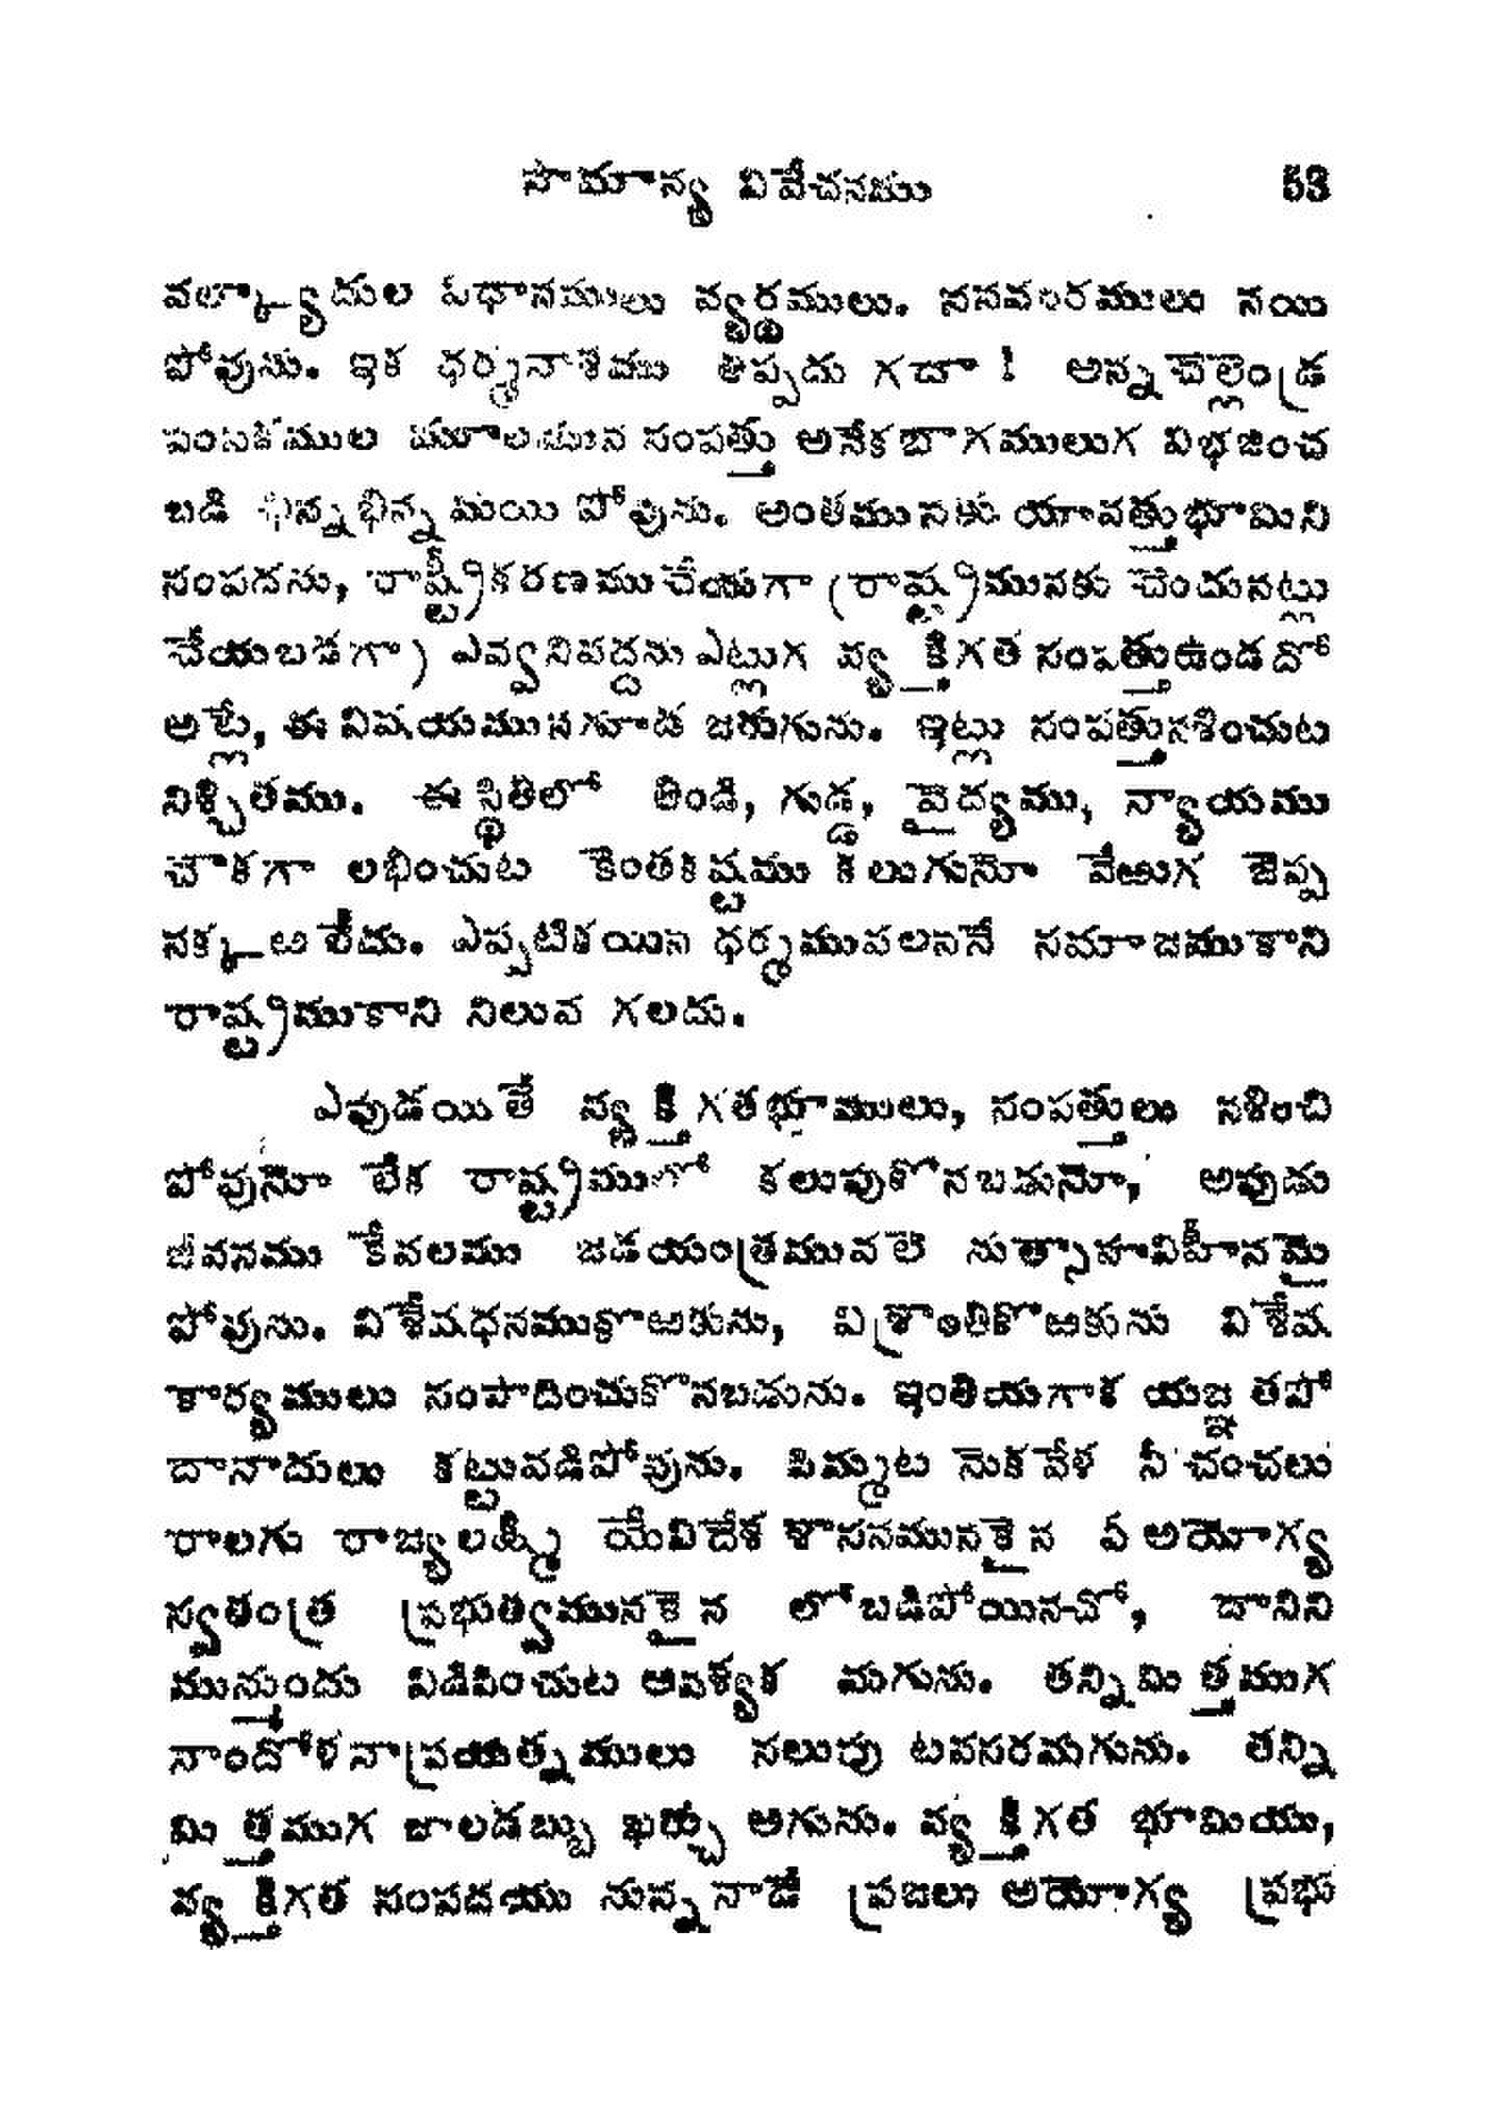వల్క్యాదుల విధానములు వ్యర్థములు. ననవసరములు నయి
పోవును. ఇక ధర్మనాశము తప్పదు గదా! అన్న చెల్లెండ్ర
పంపకముల మూలమున సంపత్తు అనేక బాగములుగ విభజించ
బడి ఛిన్నభిన్న మయి పోవును, అంతమునకు యావత్తు భూమిని
సంపదను, రాష్ట్రీకరణము చేయగా (రాష్ట్రమునకు చెందునట్లు
చేయబడగా) ఎవ్వనివద్దను ఎట్లుగ వ్యక్తిగత సంపత్తు ఉండదో
అట్లే, ఈ విషయమునగూడ జరుగును. ఇట్లు సంపత్తు నశించుట
నిశ్చితము. ఈ స్థితిలో తిండి, గుడ్డ, వైద్యము, న్యాయము
చౌకగా లభించుట కెంతకష్టము కలుగునో వేఱుగ జెప్ప
నక్కఱ లేదు. ఎప్పటికయిన ధర్మమువలననే సమాజముకాని
రాష్ట్రముకాని నిలువ గలదు.

ఎపుడయితే వ్యక్తిగతభూములు, సంపత్తులు నశించి
పోవునూ లేక రాష్ట్రములో కలుపుకొనబడునో , అపుడు
జీవనము కేవలము జడయంత్రమువలె నుత్సాహవిహీనమై
పోవును. విశేషధనముకొఱకును, విశ్రాంతి కొఱకును విశేష
కార్యములు సంపాదించుకొనబడును. ఇంతియగాక యజ్ఞ తపో
దానాదులు కట్టువడిపోవును. పిమ్మట నొకవేళ నీ చంచలురాలగు 
రాజ్యలక్ష్మి యేవిదేశ శాసనమునకైన ఏ అయోగ్య
స్వతంత్ర ప్రభుత్వమునకైన లోబడిపోయినచో, దానిని
మున్ముందు విడిపించుట ఆవశ్యక మగును. తన్నిమిత్తముగ
నాందోళనా ప్రయత్నములు సలుపు టవసరమగును. తన్నిమిత్తముగ 
జాలడబ్బు ఖర్చు అగును. వ్యక్తిగత భూమియు,
వ్యక్తిగత సంపదయు నున్ననాడే ప్రజలు అయోగ్య ప్రభు